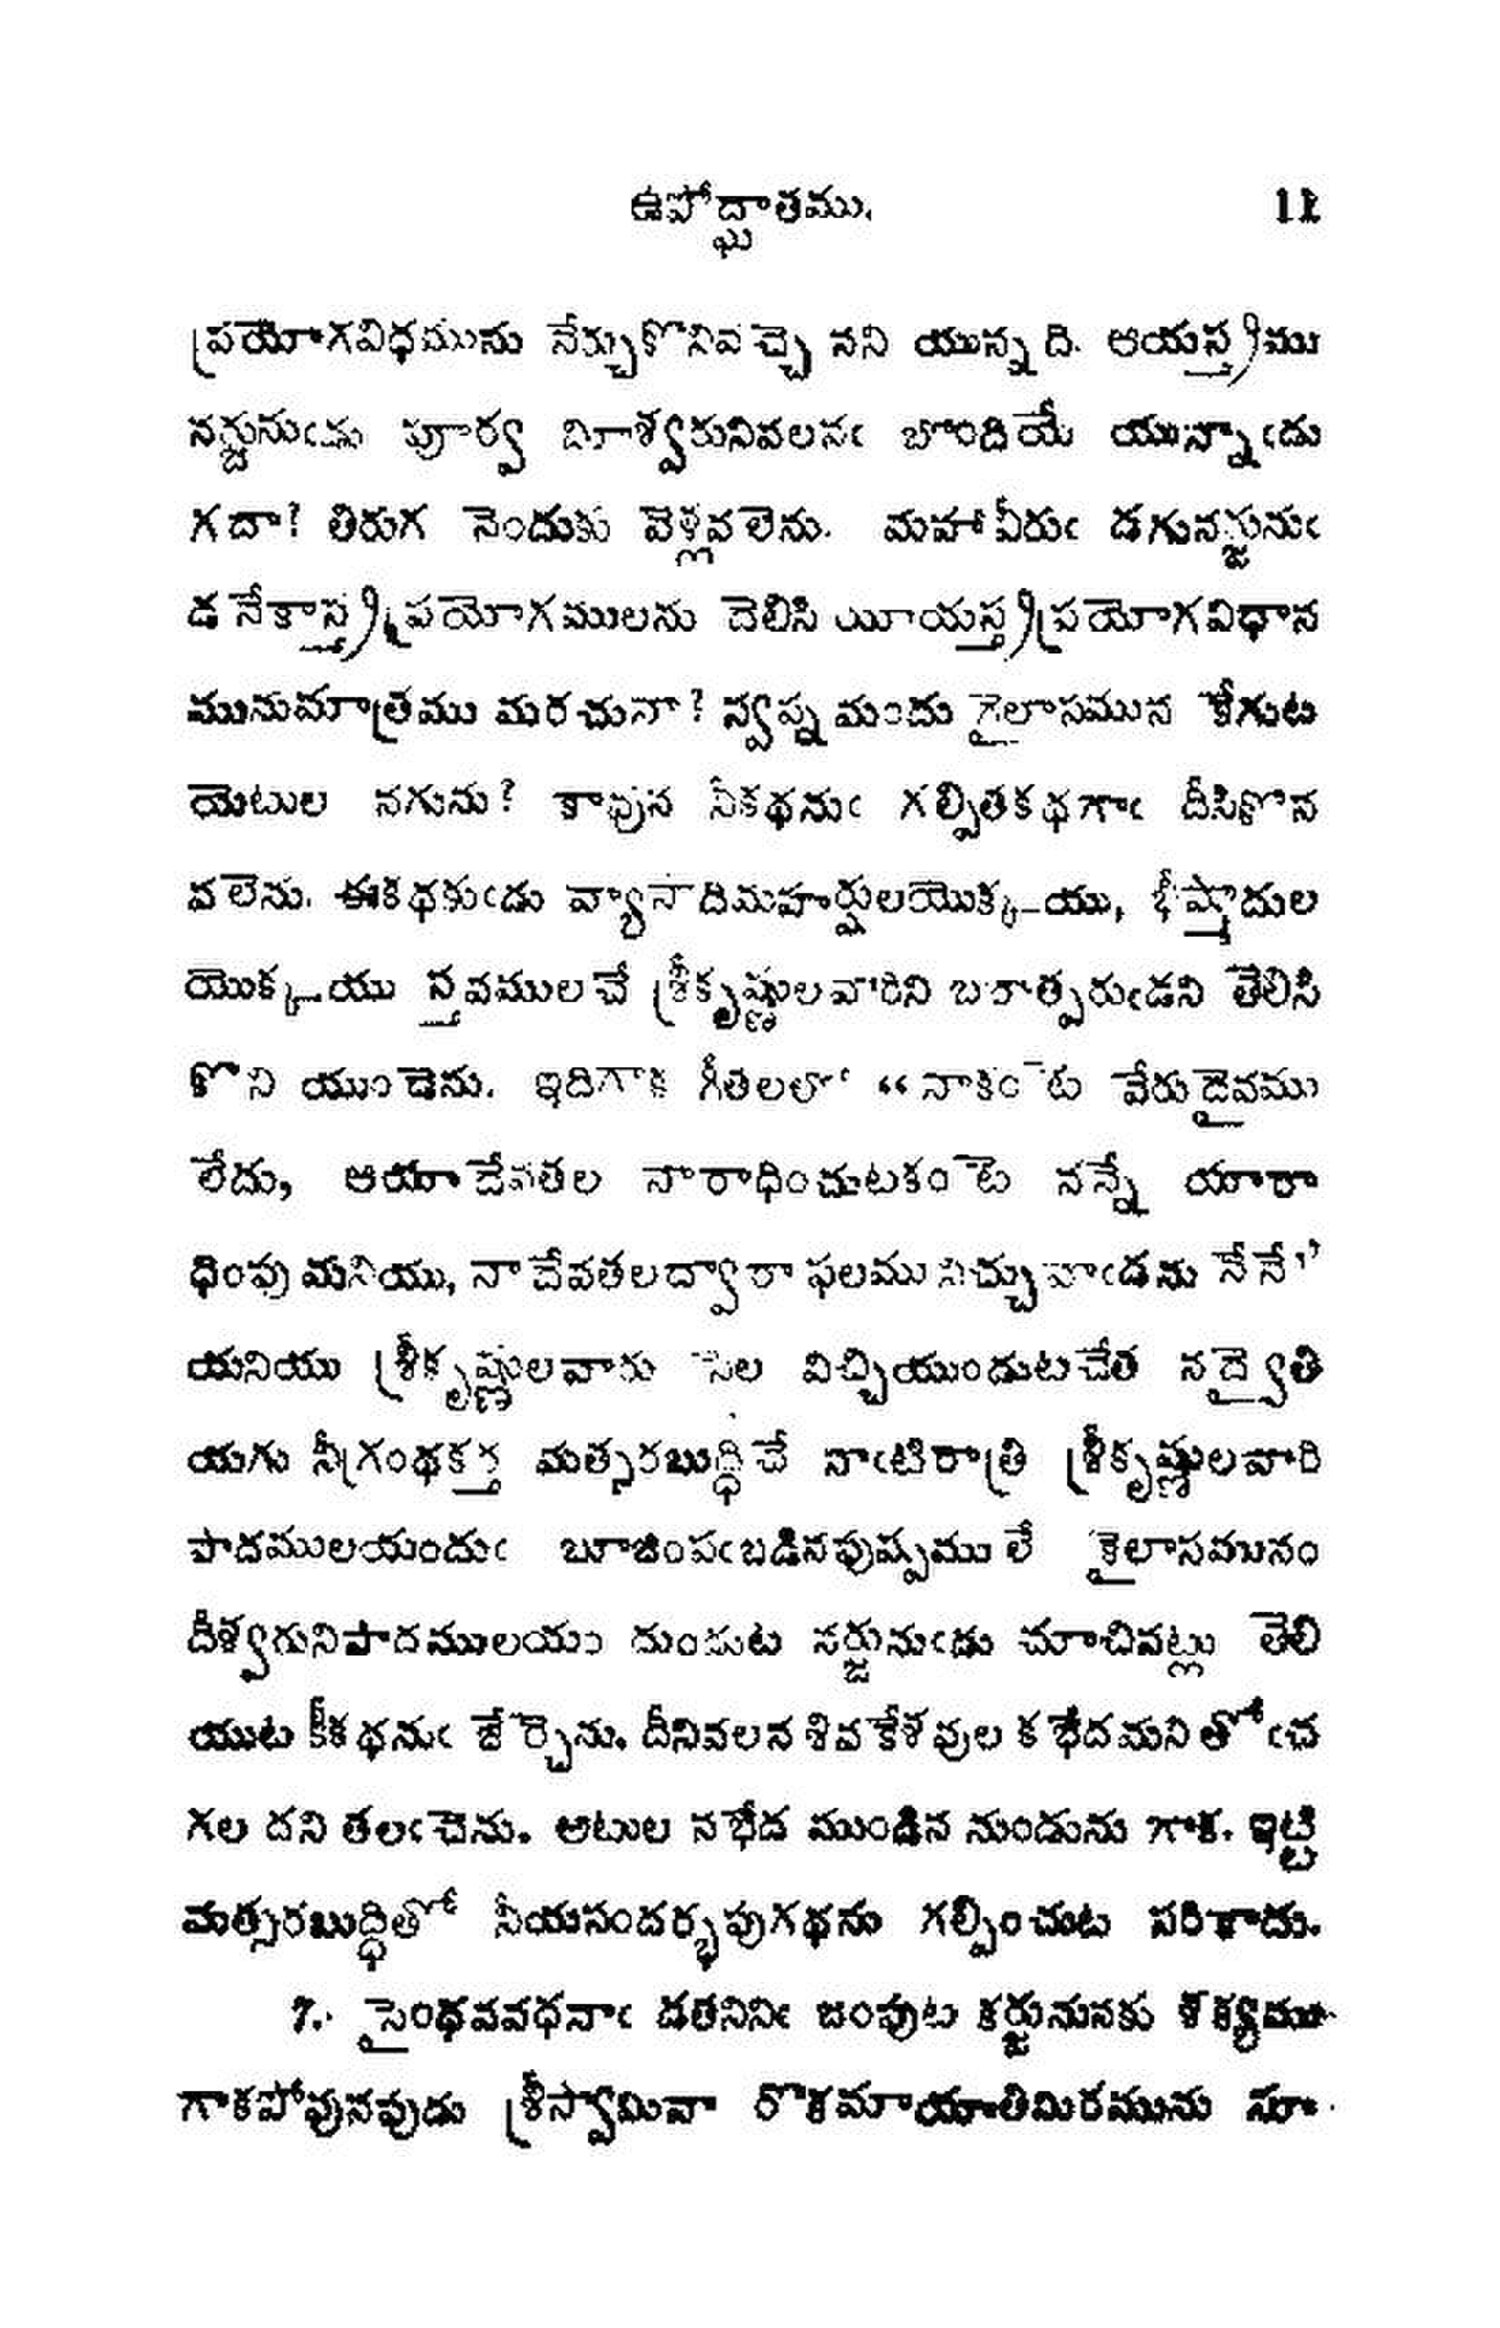ప్రయోగవిధమును నేర్చుకొనివచ్చెనని యున్నది. ఆయస్త్రము నర్జునుఁడు పూర్వ మీశ్వరునివలనఁ బొందియే యున్నాఁడు గదా! తిరుగ నెందుకు వెళ్లవలెను. మహావీరుఁ డగునర్జునుఁడనేకాస్త్ర ప్రయోగములను దెలిసి యీయస్త్రప్రయోగవిధానమునుమాత్రము మరచునా? స్వప్న మందు గైలాసమున కేగుట యెటుల నగును ? కావున నీకథనుఁ గల్పితకథగాఁ దీసికొనవలెను. ఈకథకుఁడు వ్యాసాదిమహర్షులయొక్కయు, బీష్మాదుల యొక్కయు స్తవములచే శ్రీకృష్ణులవారిని బరాత్పరుఁడని తెలిసికొని యుండెను. ఇదిగాక గీతలలో “నాకంటె వేరుదైవము లేదు, ఆయాదేవతల నారాధించుట కంటె నన్నే యారాధింపుమనియు, నాదేవతలద్వారా ఫలమునిచ్చువాఁడను నేనే " యనియు శ్రీకృష్ణులవారు సెల విచ్చియుండుటచేత నద్వైతి యగు నీగ్రంథకర్త మత్సరబుద్ధిచే నాఁటిరాత్రి శ్రీకృష్ణులవారి పాదములయందుఁ బూజింపఁబడినపుష్పములే కైలాసమునం దీశ్వరునిపాదముల యం దుండుట సర్జునుఁడు చూచినట్లు తెలియుట కీకథనుఁ జేర్చెను. దీనివలన శివకేశవుల కభేదమని తోఁచగల దని తలఁచెను. అటుల నభేద ముండిన నుండును గాక. ఇట్టి మత్సరబుద్ధితో నీయసందర్భపుగథను గల్పించుట సరికాదు.

7. సైంధవవధనాఁ డతనినిఁ జంపుట కర్జునునకు శక్యము గాకపోవునవుడు శ్రీస్వామివా రొకమాయాతిమిరమును సూ